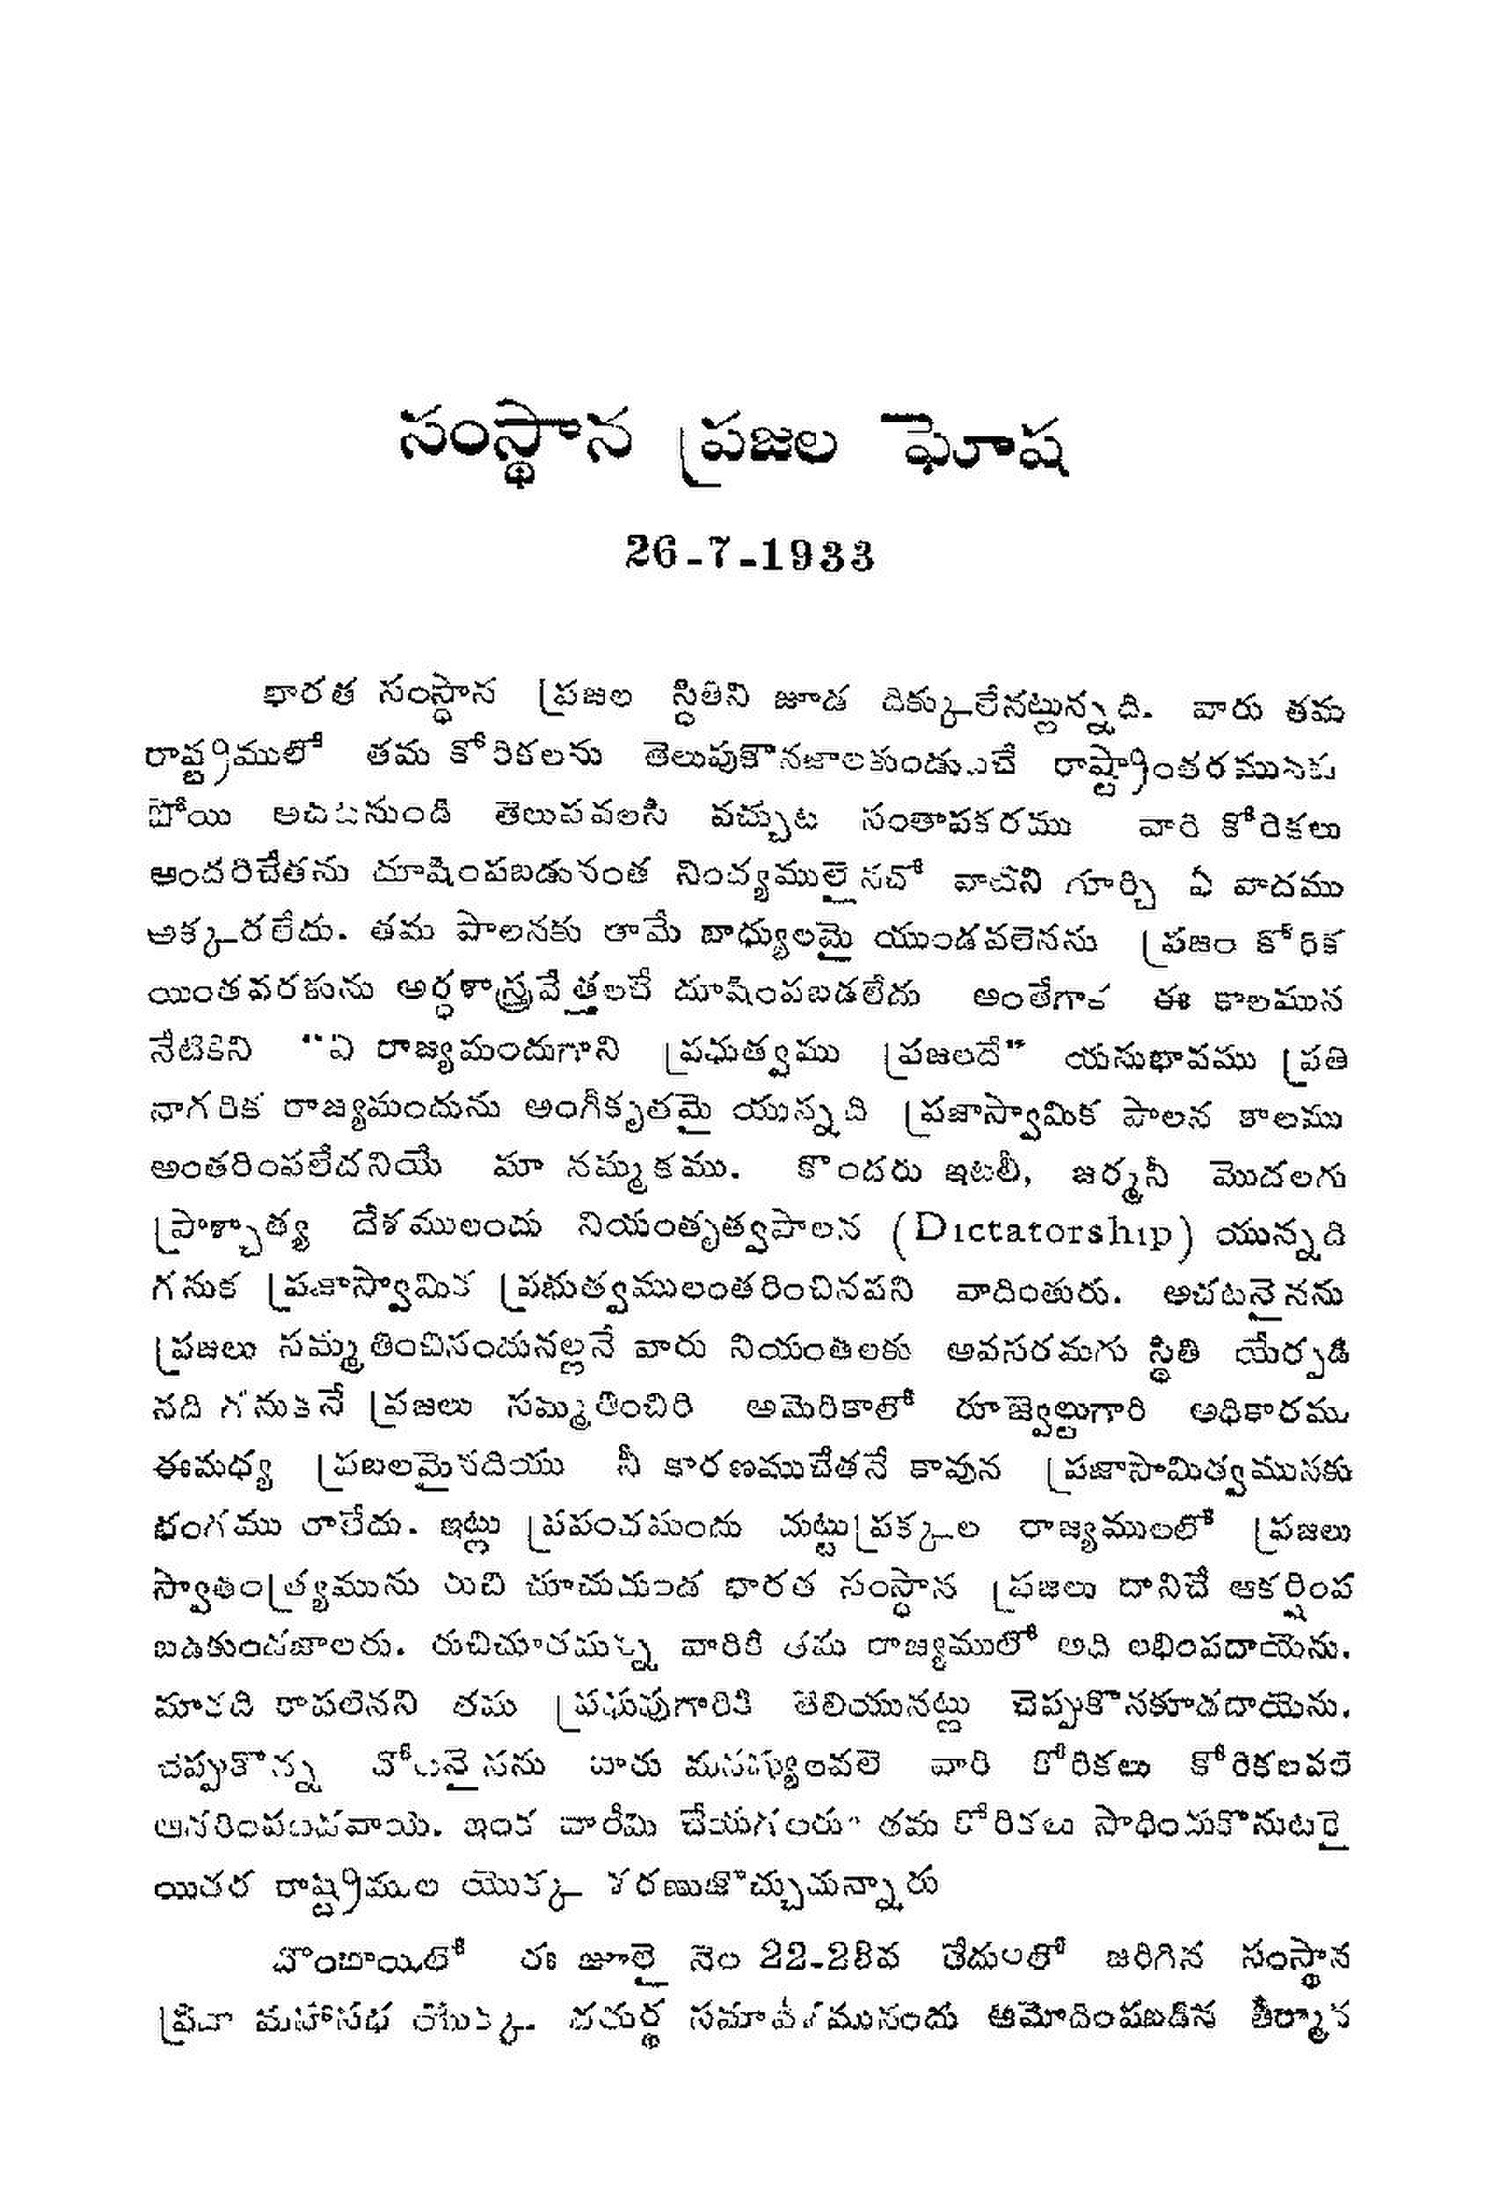సంస్థాన ప్రజల ఘోష

26 - 7 - 1933

భారత సంస్థాన ప్రజల స్థితిని జూడ దిక్కులేనట్లున్నది. వారు తమ రాష్ట్రములో తమ కోరికలను తెలుపుకొనజాలకుండుటచే రాష్ట్రాంతరమునకు పోయి అచటనుండి తెలుపవలసి వచ్చుట సంతాపకరము వారి కోరికలు అందరిచేతను దూషింపబడునంత నింద్యములైనచో వాటిని గూర్చి ఏ వాదము అక్కరలేదు. తమ పాలనకు తామే బాధ్యులమై యుండవలెనను ప్రజల కోరిక యింతవరకును అర్ధశాస్త్రవేత్తలచే దూషింపబడలేదు అంతేగాక ఈ కాలమున నేటికిని "ఏ రాజ్యమందుగాని ప్రభుత్వము ప్రజలదే" యనుభావము ప్రతి నాగరిక రాజ్యమందును అంగీకృతమై యున్నది ప్రజాస్వామిక పాలన కాలము అంతరింపలేదనియే మా నమ్మకము. కొందరు ఇటలీ, జర్మనీ మొదలగు ప్రాశ్చాత్య దేశములందు నియంతృత్వపాలన (Dictatorship) యున్నది గనుక ప్రజాస్వామిక ప్రభుత్వములంతరించినవని వాదింతురు. అచటనైనను ప్రజలు సమ్మతించినందువల్లనే వారు నియంతలకు అవసరమగు స్థితి యేర్పడినది గనుకనే ప్రజలు సమ్మతించిరి అమెరికాలో రూజ్వెల్టుగారి అధికారము ఈమధ్య ప్రబలమైనదియు నీ కారణముచేతనే కావున ప్రజాసామిత్వమునకు భంగము రాలేదు. ఇట్లు ప్రపంచమందు చుట్టుప్రక్కల రాజ్యములలో ప్రజలు స్వాతంత్ర్యమును రుచి చూచుచుండ భారత సంస్థాన ప్రజలు దానిచే ఆకర్షింప
బడకుండజాలరు. రుచిచూతమన్న వారికి తమ రాజ్యములో అధి లభింపదాయెను. మాకది కావలెనని తమ ప్రభువుగారికి తెలియునట్లు చెప్పుకొనకూడదాయెను. చెప్పుకొన్న చోటనైనను వారు మనష్యులవలె వారి కోరికలు కోరికలవలె ఆదరింపబడవాయె. ఇంక వారేమి చేయగలరు" తమ కోరికలు సాధించుకొనుటకై యితర రాష్ట్రముల యొక్క శరణుజొచ్చుచున్నారు

బొంబాయిలో ఈ జూలై నెల 22-23వ తేదులతో జరిగిన సంస్థాన ప్రజా మహాసభ యొక్క చతుర్థ సమావేశమునందు ఆమోదింపబడిన తీర్మాన